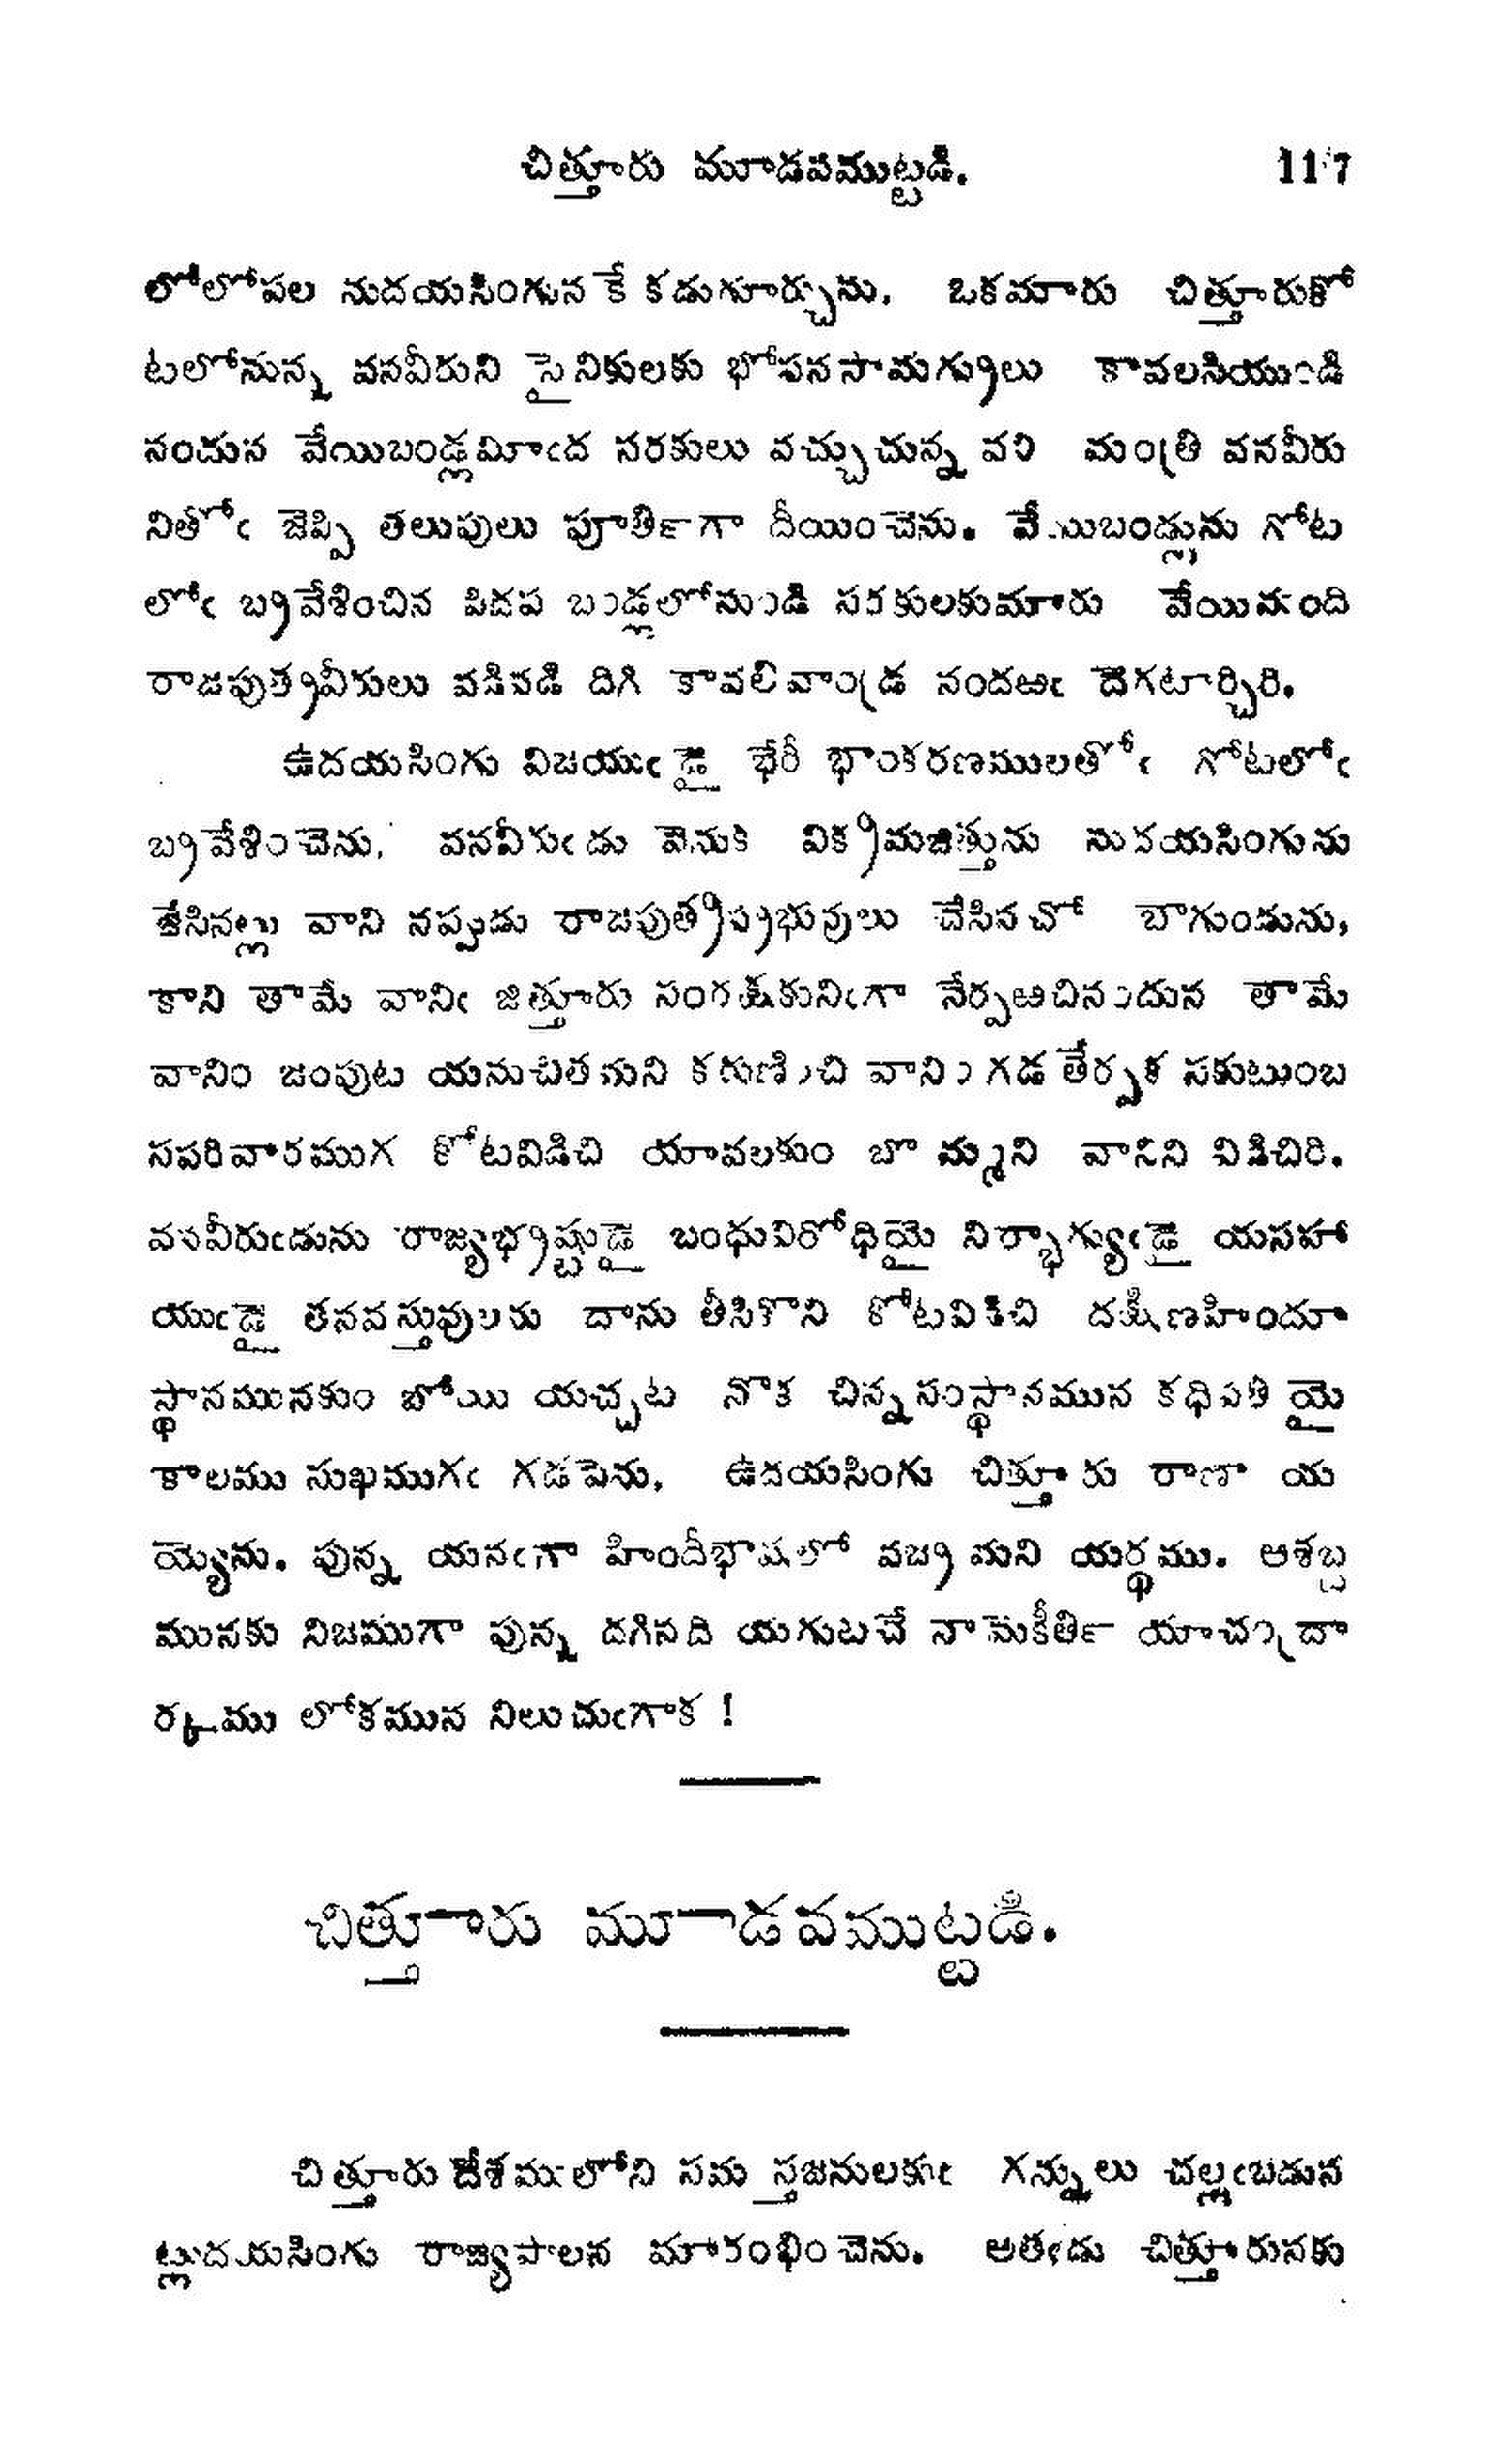లోలోపల నుదయసింగునకే కడుగూర్చును. ఒకమారు చిత్తూరుకోటలోనున్న వనవీరుని సైనికులకు భోపనసామగ్రులు కావలసియుండినందున వేయిబండ్ల మీఁద సరకులు వచ్చుచున్న వని మంత్రి వనవీరునితోఁ జెప్పి తలుపులు పూతి౯గా దీయించెను. వేయిబండ్లును గోటలోఁ బ్రవేశించిన పిదప బండ్లలోనుండి సరకులకుమారు వేయిమంది రాజపుత్రవీరులు వడివడి దిగి కావలివాండ్ర నందఱఁ దెగటార్చిరి.

ఉదయసింగు విజయుఁ డై భేరీ భాంకరణములతో గోటలోఁ బ్రవేశించెను. వనవీరుఁడు వెనుక విక్రమజిత్తును నుదయసింగును జేసినట్లు వాని నప్పుడు రాజపుత్రప్రభువులు చేసినచో బాగుండును. కాని తామే వానిఁ జిత్తూరు సంరక్షుకునిఁగా నేర్పఱచినందున తామే వానిం జంపుట యనుచితమని కరుణించి వానిం గడతేర్పక సకుటుంబ సపరివారముగ కోటవిడిచి యావలకుం బొమ్మని వానిని విడిచిరి. వనవీరుఁడును రాజ్యభ్రష్టుడై బంధువిరోధియై నిర్భాగ్యుఁడై యసహాయుఁడై తనవస్తువులను దాను తీసికొని కోటవిడిచి దక్షిణ హిందూస్థానమునకుం బోయి యచ్చట నొక చిన్న సంస్థానమున కధిపతియై కాలము సుఖముగఁ గడపెను. ఉదయసింగు చిత్తూరు రాణా యయ్యెను. పున్న యనఁగా హిందీ భాషలో వజ్ర మని యర్ధము. ఆశబ్దమునకు నిజముగా పున్న దగినది యగుటచే నామెకీతి౯ యాచంద్రార్కము లోకమున నిలుచుఁగాక!

చిత్తూరు మూడవముట్టడి.

చిత్తూరు దేశములోని సమస్తజనులకు గన్నులు చల్లఁబడున ట్లుదయసింగు రాజ్యపాలన మారంభించెను. అతఁడు చిత్తూరునకు